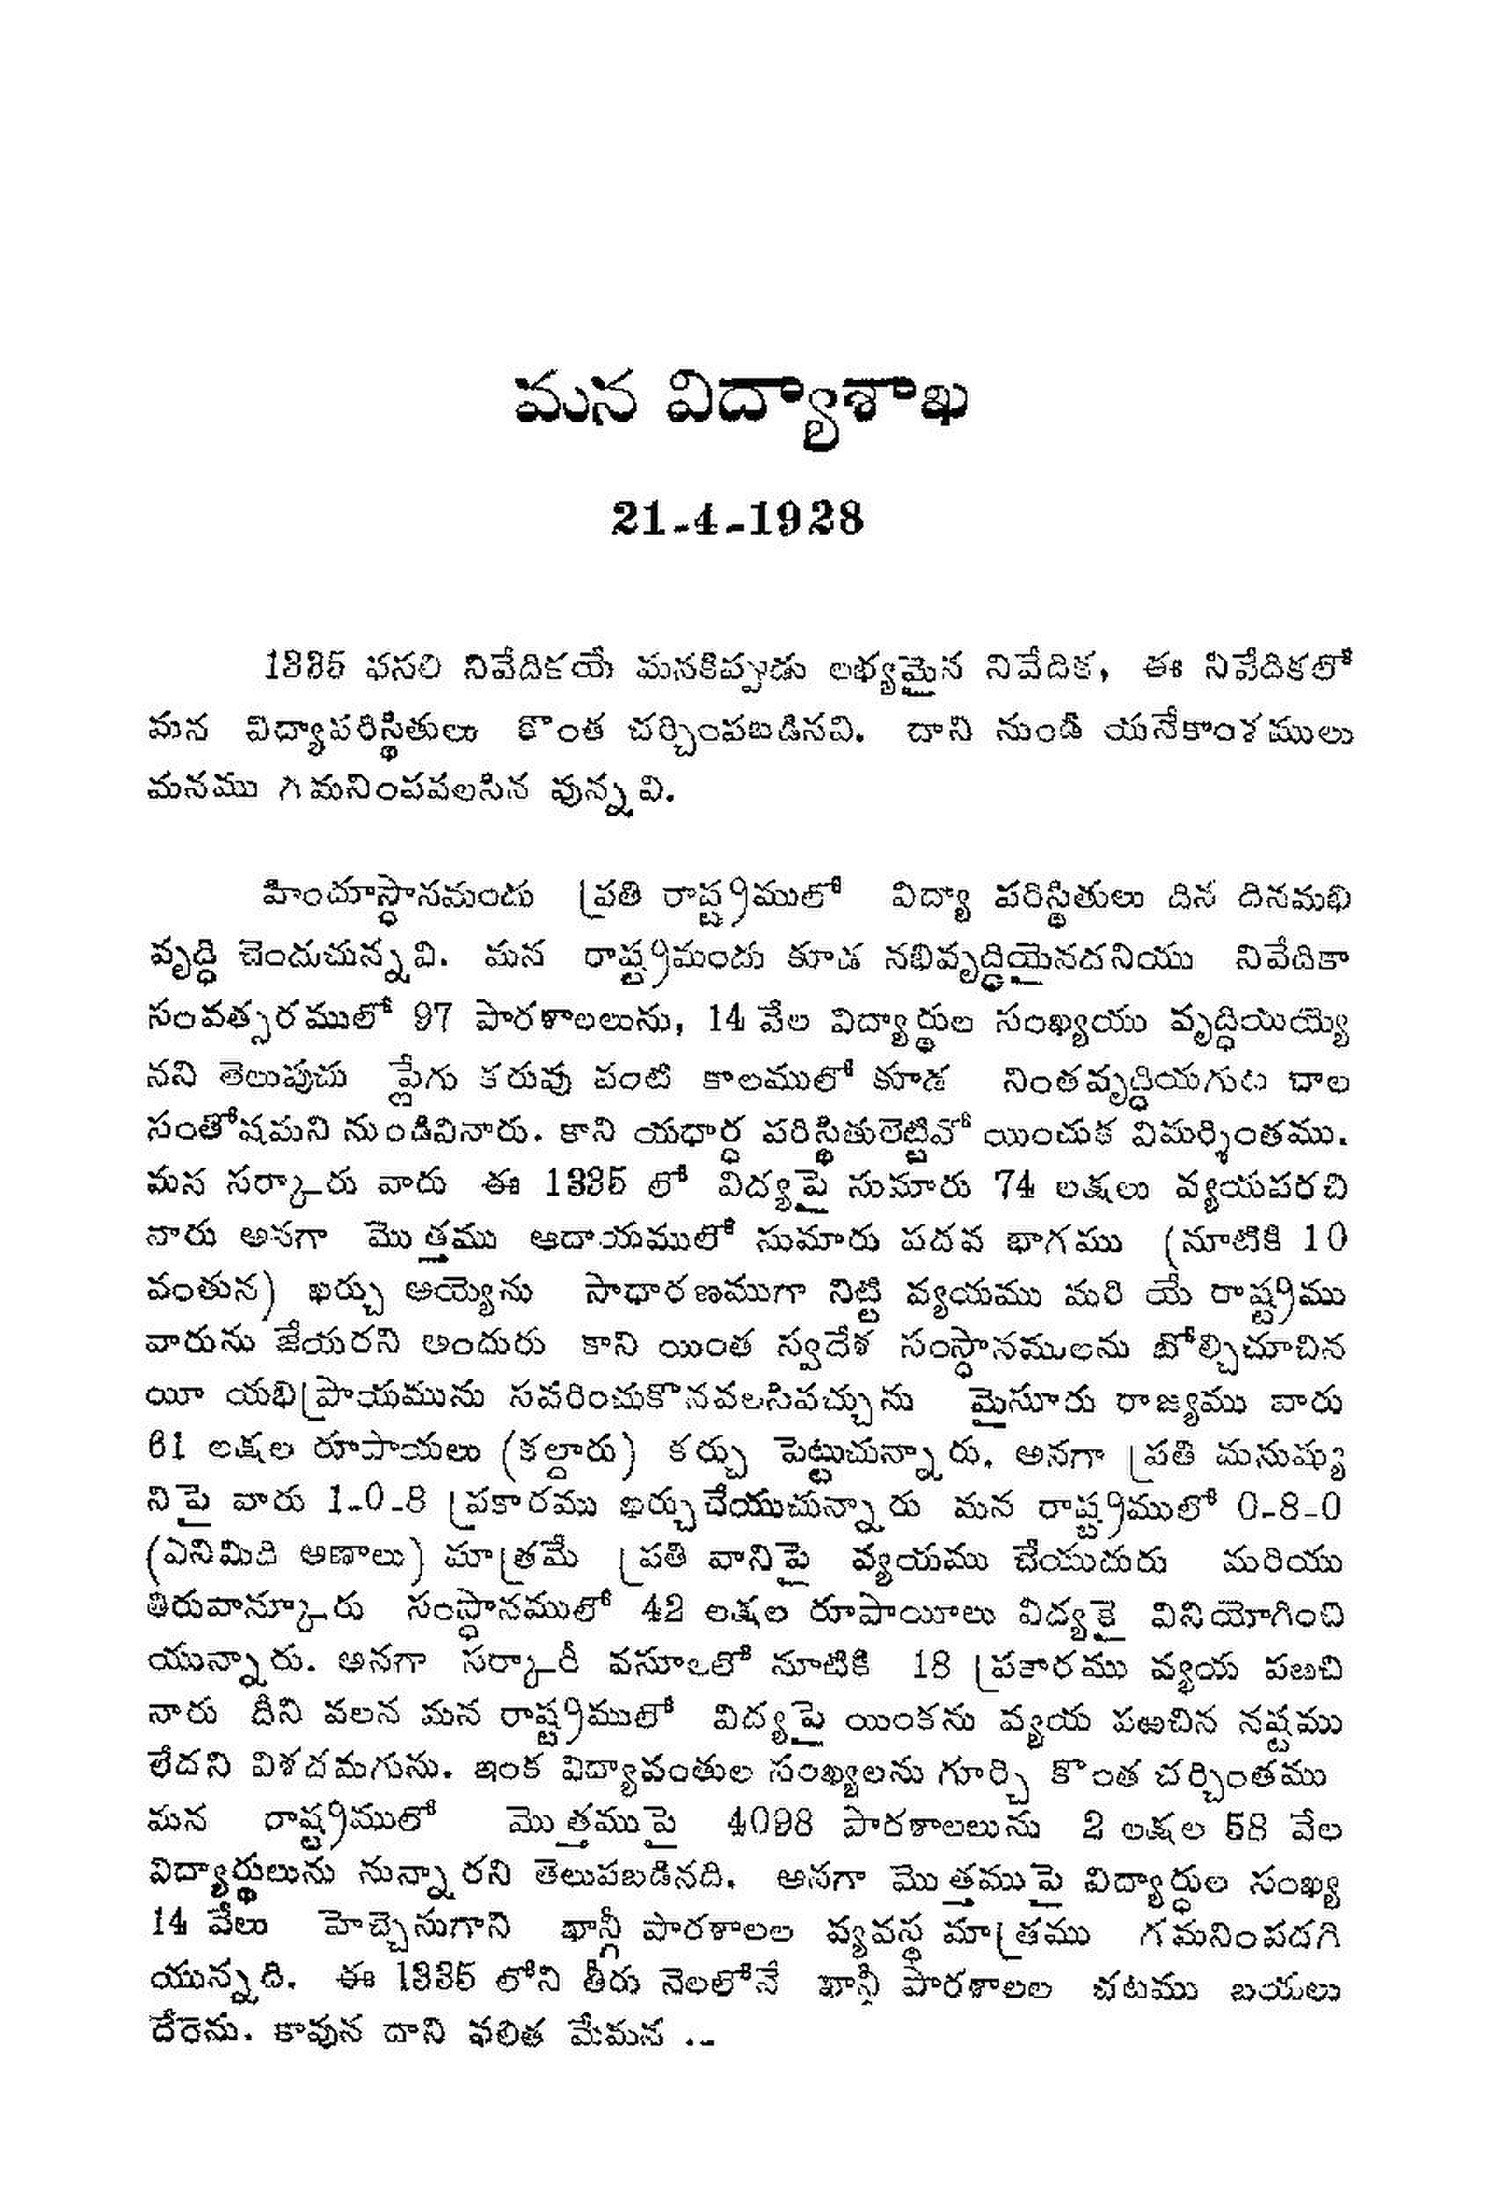మన విద్యాశాఖ

21 - 4 - 1928

1335 ఫసలి నివేదికయే మనకిప్పుడు లభ్యమైన నివేదిక. ఈ నివేదికలో మన విద్యాపరిస్థితులు కొంత చర్చింపబడినవి. దాని నుండి యనేకాంశములు మనము గమనింపవలసిన వున్నవి.

హిందూస్థానమందు ప్రతి రాష్ట్రములో విద్యా పరిస్థితులు దిన దినమభివృద్ధి చెందుచున్నవి. మన రాష్ట్రమందు కూడ నభివృద్ధియైనదనియు నివేదికా సంవత్సరములో 97 పాఠశాలలును, 14 వేల విద్యార్థుల సంఖ్యయు వృద్ధియయ్యెనని తెలుపుచు ప్లేగు కరువు వంటి కాలములో కూడ నింతవృద్ధియగుట చాల సంతోషమని నుండివినారు. కాని యధార్ద పరిస్థితులెట్టివో యించుక విమర్శింతము. మన సర్కారు వారు ఈ 1335 లో విద్యపై సుమారు 74 లక్షలు వ్యయపరచినారు అనగా మొత్తము ఆదాయములో సుమారు పదవ భాగము (నూటికి 10
వంతున) ఖర్చు అయ్యెను సాధారణముగా నిట్టి వ్యయము మరి యే రాష్ట్రమువారును జేయరని అందురు కాని యింత స్వదేశ సంస్థానములను బోల్చిచూచిన యీ యభిప్రాయమును సవరించుకొనవలసివచ్చును మైసూరు రాజ్యము వారు 61 లక్షల రూపాయలు (కల్దారు) కర్చు పెట్టుచున్నారు. అనగా ప్రతి మనుష్యునిపై వారు 1-0-8 ప్రకారము ఖర్చు చేయుచున్నారు మన రాష్ట్రములో 0-8-0 (ఎనిమిది అణాలు) మాత్రమే ప్రతి వానిపై వ్యయము చేయుదురు మరియు తిరువాన్కూరు సంస్థానములో 42 లక్షల రూపాయీలు విద్యకై వినియోగించి యున్నారు. అనగా సర్కారీ వసూలలో నూటికి 18 ప్రకారము వ్యయ పఱచినారు దీని వలన మన రాష్ట్రములో విద్యపై యింకను వ్యయ పఱచిన నష్టము లేదని విశదమగును. ఇంక విద్యావంతుల సంఖ్యలను గూర్చి కొంత చర్చింతము మన రాష్ట్రములో మొత్తముపై 4098 పాఠశాలలును 2 లక్షల 58 వేల విద్యార్థులును నున్నారని తెలుపబడినది. అనగా మొత్తముపై విద్యార్ధుల సంఖ్య 14 వేలు హెచ్చెనుగాని ఖాన్గీ పాఠశాలల వ్యవస్థ మాత్రము గమనింపదగి యున్నది. ఈ 1335 లోని తీరు నెలలోనే ఖాన్గీ పాఠశాలల చట్టము బయలు దేరెను. కావున దాని ఫలిత మేమన --